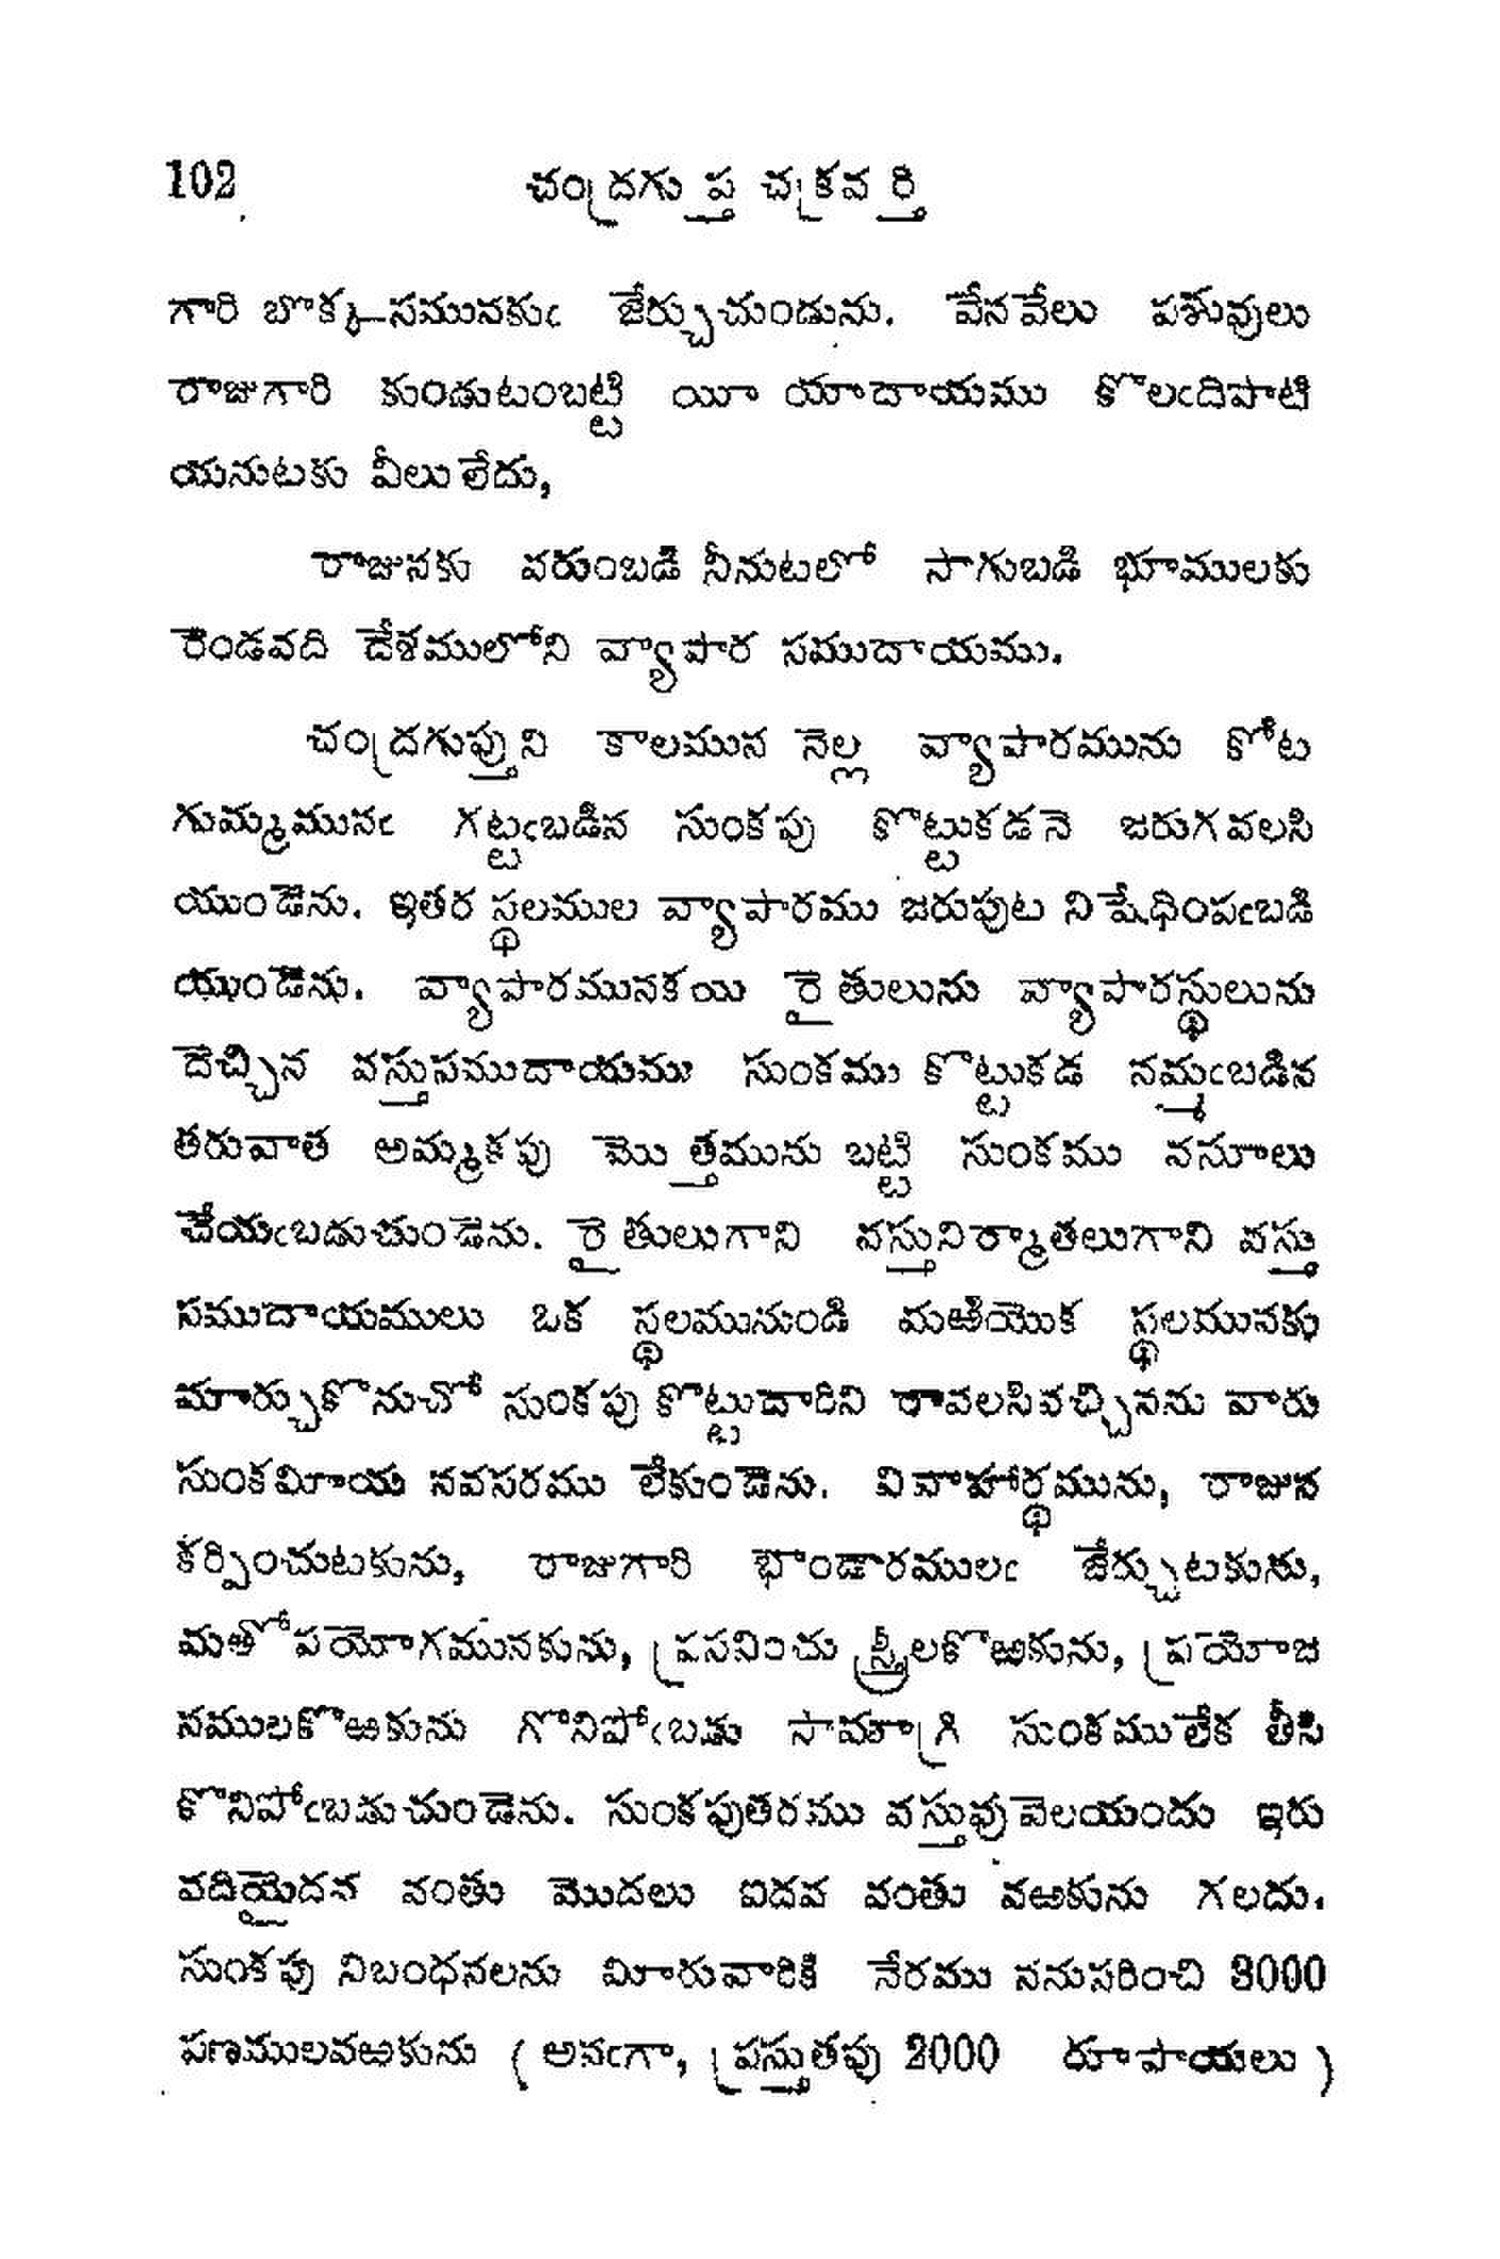గారి బొక్కసమునకుఁ జేర్చుచుండును. వేనవేలు పశువులు రాజుగారి కుండుటంబట్టి యీ యాదాయము కొలఁదిపాటి యనుటకు వీలులేదు.

రాజునకు వరుంబడి నీనుటలో సాగుబడి భూములకు రెండవది దేశములోని వ్యాపార సముదాయము,

చంద్రగుప్తుని కాలమున నెల్ల వ్యాపారమును కోట గుమ్మమునఁ గట్టఁబడిన సుంకపు కొట్టుకడనె జరుగవలసి యుండెను. ఇతర స్థలముల వ్యాపారము జరుపుట నిషేధింపఁబడి యుండెను. వ్యాపారమునకయి రైతులును వ్యాపారస్థులును దెచ్చిన వస్తుసముదాయము సుంకము కొట్టుకడ నమ్మఁబడిన తరువాత అమ్మకపు మొ త్తమును బట్టి సుంకము వనూలు చేయఁబడుచుండెను. రైతులుగాని వస్తునిర్మాతలుగాని వస్తు సముదాయములు ఒక స్థలమునుండి మఱియొక స్థలమునకు మార్చుకొనుచో సుంకపు కొట్టుదారిని రావలసివచ్చినను వారు సుంకమీయ నవసరము లేకుండెను. వివాహార్థమును, రాజున కర్పించుటకును, రాజుగారి అండారములఁ జేర్చుటకును, మతోపయోగమునకును, ప్రసవించు స్త్రీలకొఱకును, ప్రయోజనములకొఱకును. గొనిపోఁబడు సామగ్రి సుంకము లేక తీసి కొనిపోఁబడు చుండెను. సుంకపుతరము వస్తువువెలయందు ఇరువదియైదవ వంతు మొదలు ఐదవ వంతు వఱకును గలదు. సుంకపు నిబంధనలను మీరువారకి నేరము ననుసరించి 3000 పణములవఱకును ( అనఁగా, ప్రస్తుతపు 2000 రూపాయలు )